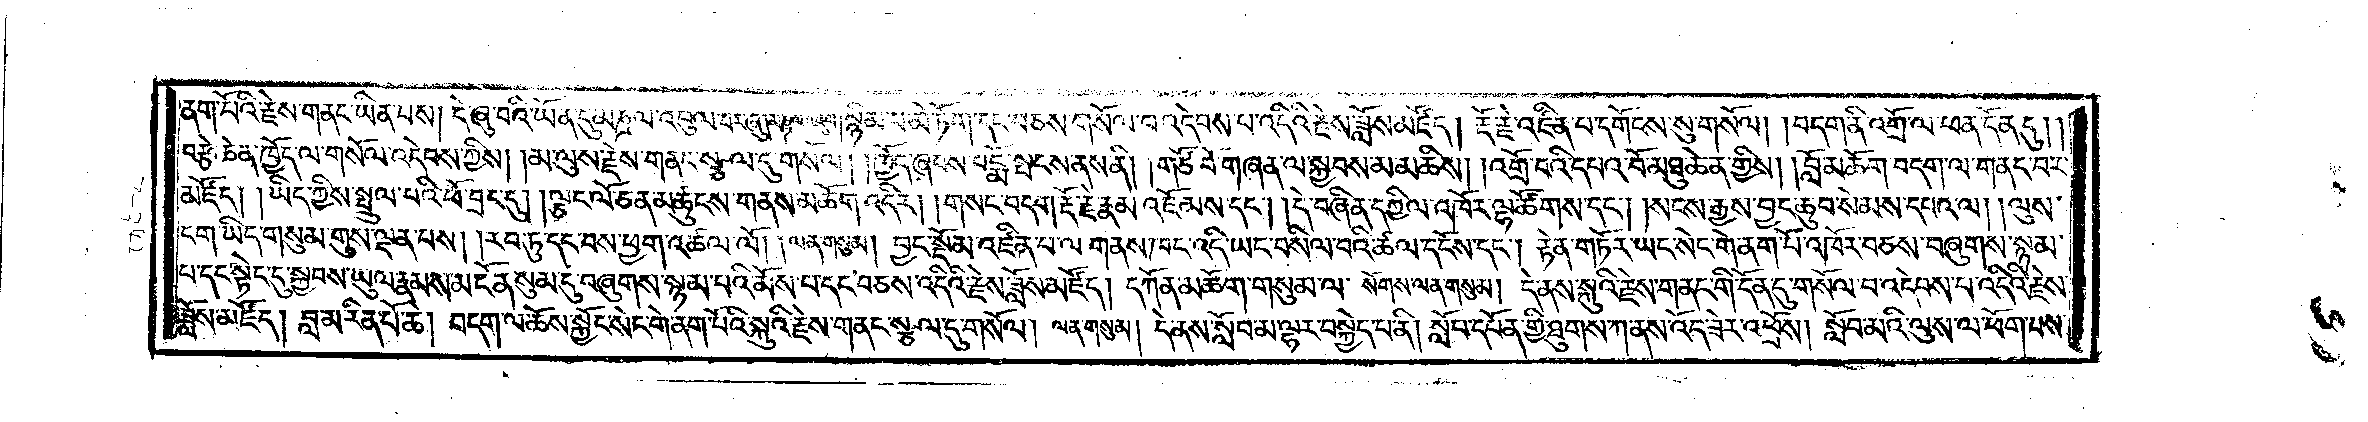ནག་པོའི་རྗེས་གནང་ཡིན་པས། དེ་ཞུ་པའི་ཡོན་དུ་མཎྚལ་འབུལ་བར་ཞུ། མཎྚལ་འདུལ།  སྙིམ་པ་མེ་ཏོག་དང་བཅས་གསོལ་བ་འདེབས་པ་འདིའི་རྗེས་ཟློས་མཛོད། རྡོ་རྗེ་འཛིན་པ་དགོངས་སུ་གསོལ། །བདག་ནི་འགྲོ་ལ་ཕན་དོན་དུ།།
བརྩེ་ཆེན་ཁྱོད་ལ་གསོལ་འདེབས་ཀྱིས། །མ་ལུས་རྗེས་གནང་སྩལ་དུ་གསོལ། །ཁྱོད་ཞབས་པདམོ་སྤངས་ནས་ནི། །གཙོ་བོ་གཞན་ལ་སྐྱབས་མ་མཆིས། །འགྲོ་བའི་དཔའ་བོ་མཐུ་ཆེན་གྱིས། །བློ་མཆོག་བདག་ལ་གནང་བར་
མཛོད། །ཡིད་ཀྱིས་སྤྲུལ་པའི་ཕོ་བྲང་དུ། །ལྕང་ལོ་ཅན་མཚུངས་གནས་མཆོག་འདིར། །གསང་བདག་རྡོ་རྗེ་རྣམ་འཇོམས་དང་། །དེ་བཞིན་དཀྱིལ་འཁོར་ལྷ་ཚོགས་དང་། །སངས་རྒྱས་བྱང་ཆུབ་སེམས་དཔའ་ལ། །ལུས་
ངག་ཡིད་གསུམ་གུས་ལྡན་པས། །རབ་ཏུ་དང་བས་ཕྱག་འཚལ་ལོ། །ལན་གསུམ།  བྱང་སྡོམ་འཛིན་པ་ལ་གནས་ཁང་འདི་ཡང་བསིལ་བའི་ཚལ་དངོས་དང་། རྟེན་གཏོར་ཡང་སེང་གེ་ནག་པོ་འཁོར་བཅས་བཞུགས་སྙམ་
པ་དང་སྟེང་དུ་སྐྱབས་ཡུལ་རྣམས་མཛོན་སུམ་དུ་བཞུགས་སྙམ་པའི་མོས་པ་དང་བཅས་འདིའི་རྗེས་ཟློས་མཛོད། དཀོན་མཆོག་གསུམ་ལ་སོགས་ལན་གསུམ།  དེ་ནས་སྐུའི་རྗེས་གནང་གི་དོན་དུ་གསོལ་བ་འདེབས་པ་འདིའི་རྗེས་
ཟློས་མཛོད། བླ་མ་རིན་པོ་ཆེ། བདག་ལ་ཆོས་སྐྱོང་སེང་གེ་ནག་པོའི་སྐུའི་རྗེས་གནང་སྩལ་དུ་གསོལ། ལན་གསུམ།  དེ་ནས་སློབ་མ་ལྷར་བསྐྱེད་པ་ནི། སློབ་དཔོན་གྱི་ཐུགས་ཀ་ནས་འོད་ཟེར་འཕྲོས། སློབ་མའི་ལུས་ལ་པོག་པས་